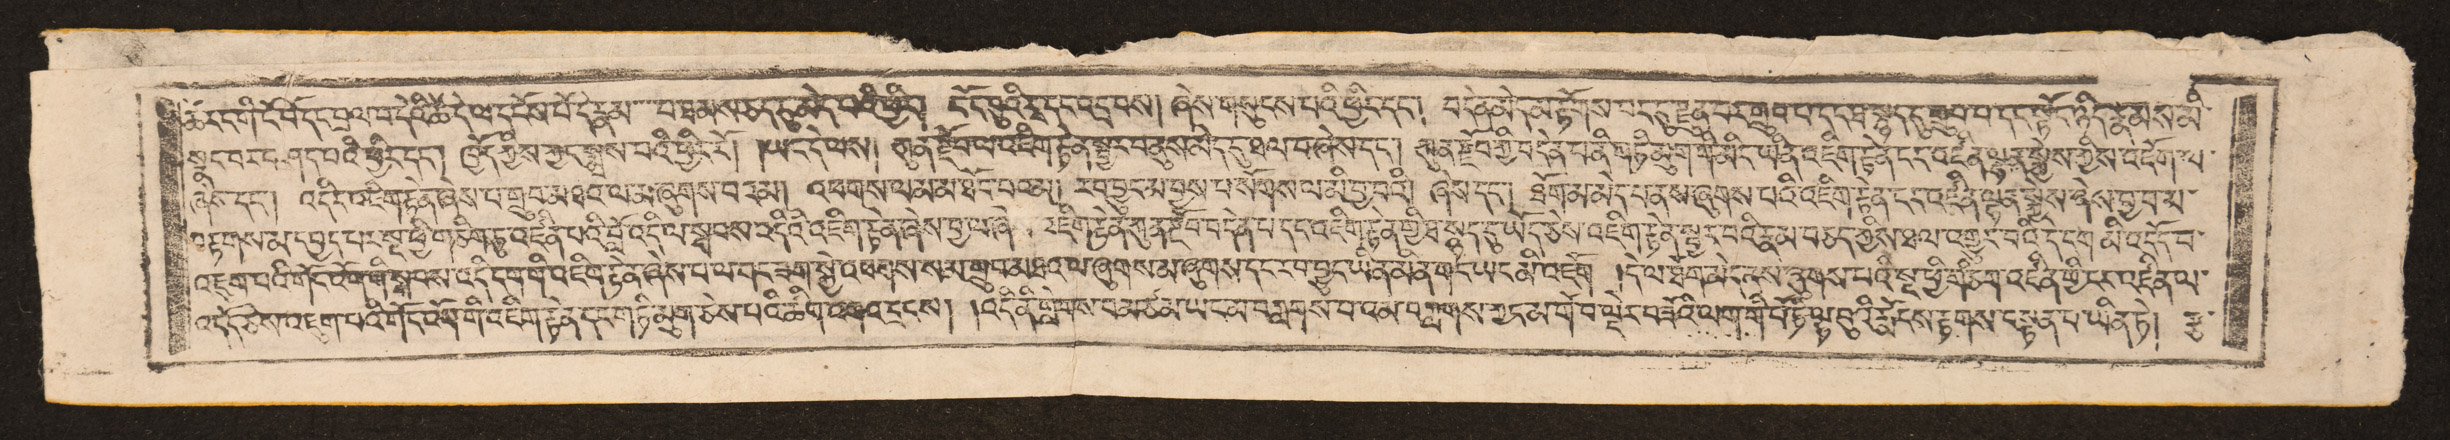ཚེ་རང་གི་ངོ་བོ་དང་བྲལ་བ་དེའི་ཚེ་དེ་ལ་དངོས་པོ་དེ་རྣམ་པ་ཐམས་ཅད་དུ་མེད་པའི་ཕྱིར། བོང་བུའི་རྭ་དང་འདྲ་བས། ཞེས་གསུངས་པའི་ཕྱིར་དང་། བདེན་མེད་མ་རྟོགས་པར་དུ་རྫུན་པར་གྲུབ་པ་དང་ཐ་སྙད་དུ་གྲུབ་བ་དང་སྟོང་ཉིད་རྣམས་མི་
སྣང་བར་བཤད་པའི་ཕྱིར་དང་། ཁྱོད་ཀྱིས་ཀྱང་སྨྲས་པའི་ཕྱིར་རོ། །ཡང་དེ་ལས། ཀུན་རྫོབ་ལ་འཇིག་རྟེན་སྦྱར་བ་ནུས་མེད་དུ་ཐལ་བ་ཞེས་དང་། ཀུན་རྫོབ་ཀྱི་བདེན་པ་ནི་གཏི་མུག་གི་མིང་ཡིན་འཇིག་རྟེན་ངར་འཛིན་ལྷན་སྐྱེས་ཀྱིས་འཇོག་ལ་
ཞེས་དང་། འདིར་འཇིག་རྟེན་ཞེས་པ་གྲུབ་མཐའ་ལམ་ཞུགས་པའམ། འཕགས་ལམ་མ་ཐོབ་པའམ། རབ་བྱུང་མ་བྱས་པ་སོགས་ལ་མི་བྱ་བའི། ཞེས་དང་། ཐོག་མ་མེད་པ་ནས་ཞུགས་པའི་འཇིག་རྟེན་ངར་འཛིན་ལྷན་སྐྱེས་ཞེས་བྱ་བ་མ་
བརྟགས་མང་བྱད་པར་སྔ་ཕྱི་གཅིག་ཏུ་འཛིན་པའི་བློ་འདི་ལ་སྐབས་འདིའི་འཇིག་རྟེན་ཞེས་བྱ་ལ་ཞེས་འཇིག་རྟེན་ཀུན་རྫོབ་བདེན་པ་དང་འཇིག་རྟེན་གྱི་ཐ་སྙད་དུ་ཡོད་ཅེས་འཇིག་རྟེན་སྦྱར་བའི་རྣམ་བཅད་ཀྱིས་ཐལ་འགྱུར་བའི་དེ་དག་མི་འདོད་པ་
འཇུག་པའི་གོང་འོག་གི་སྐབས་འདི་དག་གི་འཇིག་རྟེན་ཞེས་པ་ལ་གང་ཟག་སྐྱེ་འཕགས་སམ་གྲུབ་མཐའ་ལ་ཞུགས་མ་ཞུགས་དང་རབ་བྱུང་ཡིན་མིན་གང་ཡང་མི་འཇོག །དེ་ལ་ཐོག་མེད་ནས་ཞུགས་པའི་སྔ་ཕྱི་གཅིག་འཛིན་གྱི་ངར་འཛིན་ལ་
འདོད་ཅེས་འཇུག་པའི་གོང་འོག་གི་འཇིག་རྟེན་དང་གཏི་མུག་ཅེས་པའི་ཚིག་འགའ་དྲངས། །འདི་ནི་གླེགས་བམ་ཙམ་ཡང་མ་བཀླགས་པའམ་བཀླགས་ཀྱང་མ་གོ་བ་ལྡེར་བཟོའི་ལག་གི་པོ་ཏི་ལྟ་བུའི་རྨོངས་རྟགས་བསྟན་པ་ཡིན་ཏེ། རྩ་